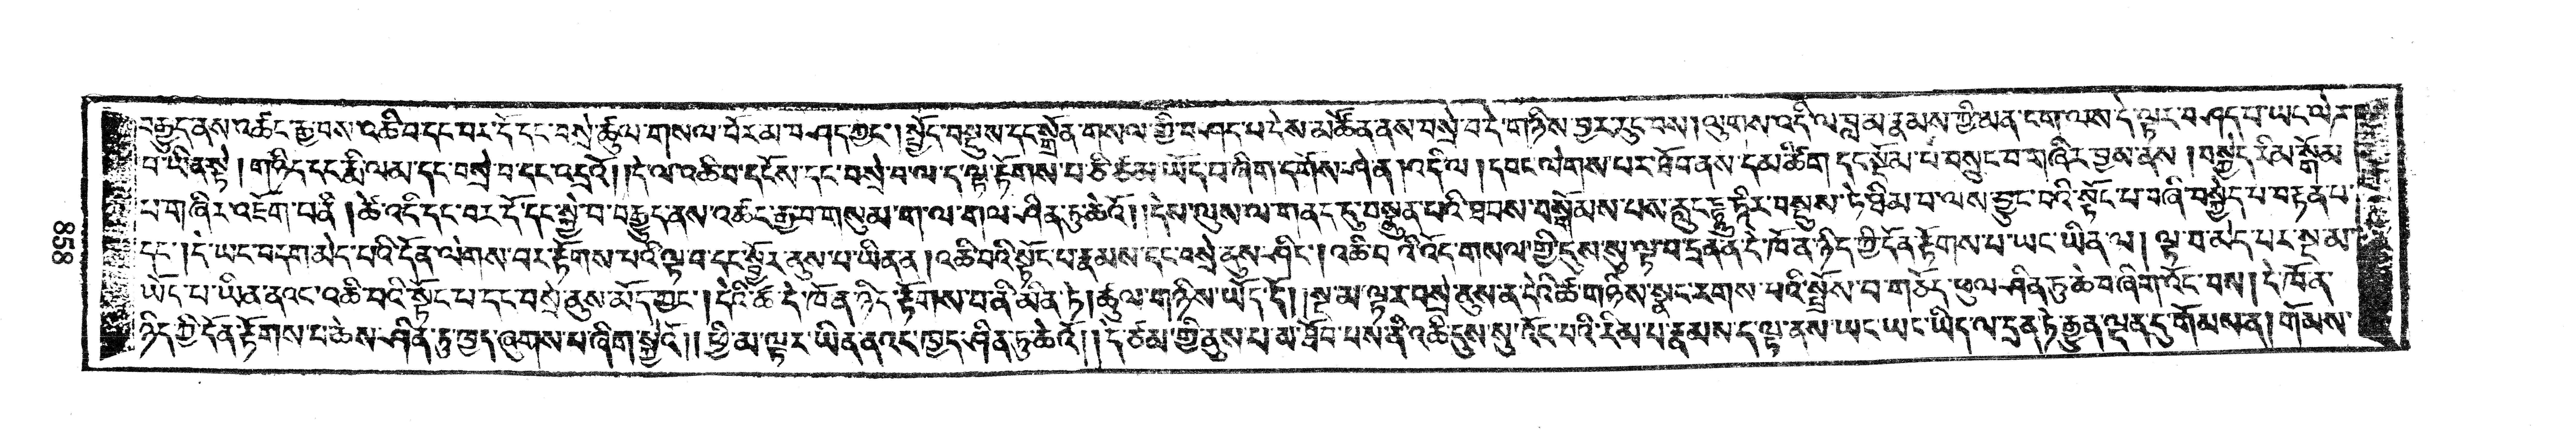བརྒྱུད་ནས་འཚང་རྒྱ་བས་འཆི་བ་དང་བར་དོ་དང་བསྲེ་ཚུལ་གསལ་པོར་མ་བཤད་ཀྱང་། སྤྱོད་བསྡུས་དང་སྒྲོན་གསལ་གྱི་བཤད་པ་དེས་མཚོན་ནས་བསྲེ་བ་དེ་གཉིས་བྱར་རུང་བས། ལུགས་འདི་ལ་བླ་མ་རྣམས་ཀྱི་མན་ངག་ལས་དེ་ལྟར་བཤད་པ་ཡང་ལེགས་
པ་ཡིན་སྟེ། གཉིད་དང་རྨི་ལམ་དང་བསྲེ་བ་དང་འདྲའོ། །དེ་ལ་འཆི་བ་དངོས་དང་བསྲེ་བ་ལ་ད་ལྟ་རྟོགས་པ་ཅི་ཙམ་ཡོད་པ་ཞིག་དགོས་ཤེ་ན། འདི་ལ། དབང་ལེགས་པར་ཐོབ་ནས་དམ་ཚིག་དང་སྡོམ་པ་བསྲུང་བ་གཞིར་བྱས་ནས། བསྐྱེད་རིམ་སྒོམ་
པ་གཞིར་འཇོག་པ་ནི། ཚེ་འདི་དང་བར་དོ་དང་སྐྱེ་བ་བརྒྱུད་ནས་འཚང་རྒྱ་བ་གསུམ་ག་ལ་གལ་ཤིན་ཏུ་ཆེའོ། །དེས་ལུས་ལ་གནད་དུ་བསྣུན་པའི་ཐབས་བསྒོམས་པས་རླུང་དྷཱུ་ཏཱིར་བསྡུས་ཏེ་ཐིམ་པ་ལས་བྱུང་བའི་སྟོང་པ་བཞི་བསྐྱེད་པ་བརྟན་པ་
དང་། དེ་ཡང་བདག་མེད་པའི་དོན་ལེགས་པར་རྟོགས་པའི་ལྟ་བ་དང་སྦྱོར་ནུས་པ་ཡིན་ན། འཆི་བའི་སྟོང་པ་རྣམས་དང་བསྲེ་ནུས་ཤིང་། འཆི་བའི་འོད་གསལ་གྱི་དུས་སུ་ལྟ་བ་དྲན་ན་དེ་ཁོ་ན་ཉིད་ཀྱི་དོན་རྟོགས་པ་ཡང་ཡིན་ལ། ལྟ་བ་མེད་པར་སྔ་མ་
ཡོད་པ་ཡིན་ནའང་འཆི་བའི་སྟོང་པ་དང་བསྲེ་ནུས་མོད་ཀྱང་། དེའི་ཚེ་དེ་ཁོ་ན་ཉིད་རྟོགས་པ་ནི་མིན་ཏེ། ཚུལ་གཉིས་ཡོད་དོ། །སྔ་མ་ལྟར་བསྲེ་ནུས་ན་དེའི་ཚེ་གཉིས་སྣང་རགས་པའི་སྤྲོས་པ་གཅོད་ཕུལ་ཤིན་ཏུ་ཆེ་བ་ཞིག་འོང་བས། དེ་ཁོ་ན་
ཉིད་ཀྱི་དོན་རྟོགས་པ་ཆེས་ཤིན་ཏུ་ཁྱད་ཞུགས་པ་ཞིག་སྐྱེའོ། །ཕྱི་མ་ལྟར་ཡིན་ནའང་ཁྱད་ཤིན་ཏུ་ཆེའོ། །དེ་ཙམ་གྱི་ནུས་པ་མ་ཐོབ་པས་ནི་འཆི་དུས་སུ་འོང་བའི་རིམ་པ་རྣམས་ད་ལྟ་ནས་ཡང་ཡང་ཡིད་ལ་དྲན་ཏེ་རྒྱུན་ལྡན་དུ་གོམས་ན། གོམས་